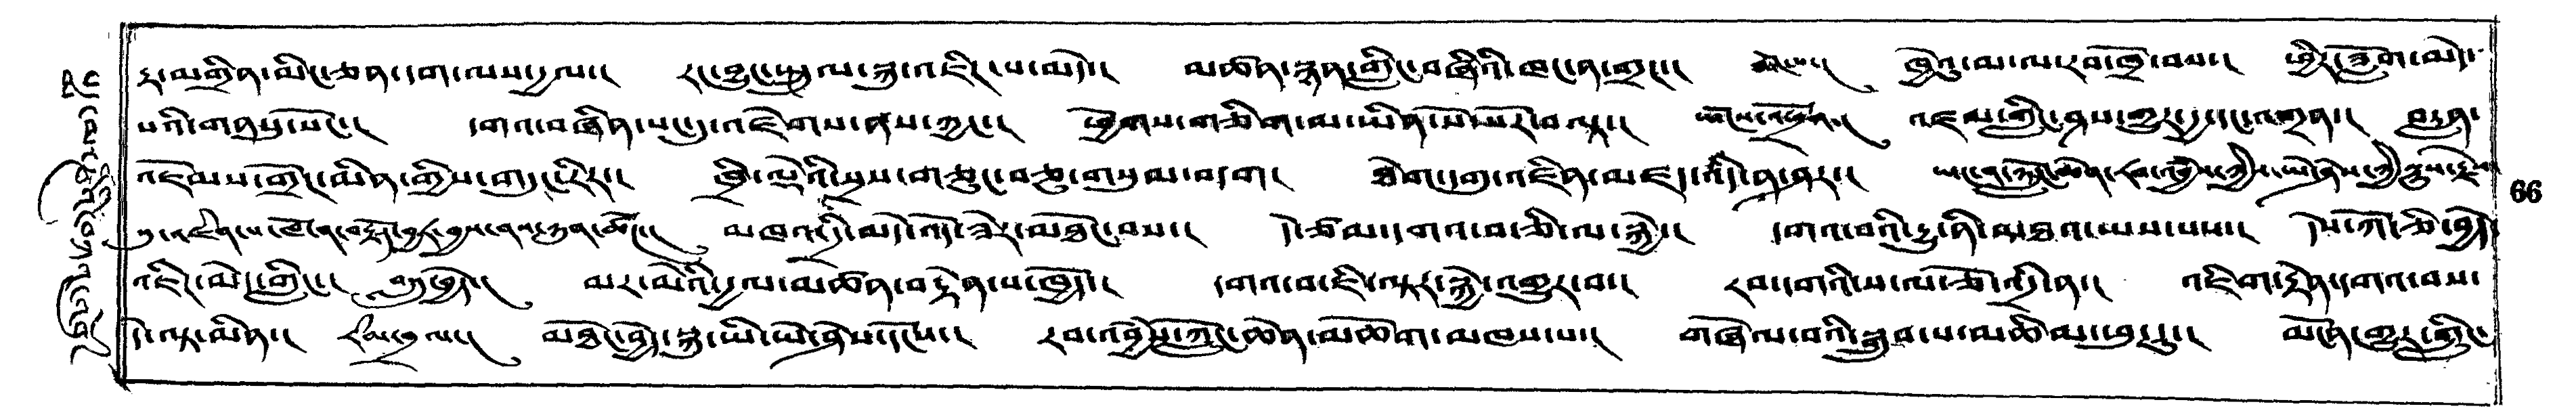།རྟ་མགྲིན་མིང་ཅན་དག་ལས་རྒྱལ། །རང་བྱུང་སྤྲུལ་སྐུ་འཇིགས་པ་མེད། །མཚན་སྙན་གླིང་བཞིའི་ཁོངས་ན་གྲགས། ། རྨོངས་པ། ཁྱེའུ་མ་ལ་རབ་ཁྲོ་བས། །ཕྱིར་ཟློག་མེད་
པའི་གནས་སུ་སོང་། །དགའ་བཞིན་པང་དུ་འཛེགས་ནས་ཀྱང་། །ཕྱོགས་གཅིག་མ་ཡིན་སོ་སོར་བལྟ། ། ཡོངས་འཕྲོག འཛམ་གླིང་ཤས་གྱུར་རྒྱ་དང་འགྲན། །བརླན་
འཇོམས་གྲོགས་མིན་གྱིས་གདུང་རིར། །ཁྲི་ལྡེའི་སྲས་གཅུང་བཅུ་གསུམ་བདག ཐེག་དགུ་འཛིན་མཛད་འདི་ན་ཤར། ཡང་ན་ཀློང་ཆེན་རབ་འབྱམས་ཀྱིས་ཡེ་ཤེས་ཀྱི་སྐུས་རྗེས་
སུ་འཛིན་པ་ཁོ་ན་བརྗོད་བྱར་བྱས་ནས་ཀུན་ཚོགས། དྲི་མེད་འོད་ཟེར་མཁར་མཐོང་བས། །དེ་ཙམ་དགའ་བ་ཅི་ལ་སྐྱེ། །དགའ་བའི་རྒྱུ་ནི་མཐའ་ཡས་པས། །དེས་ཀོ་ཅི་བྱེད་
འཇིགས་མེད་གླིང་། ། བསླུ་བྱེད། མར་མེའི་རྒྱལ་མཚན་བརྟེན་པ་ཁྱོད། །དགའ་བ་ཇི་ལྟར་སྐྱེ་འགྱུར་བ། །རབ་དགའི་ས་ལ་ཅོ་འདྲི་ན། །འཇིག་རྟེན་དགའ་བས་
དེ་ལྟ་མིན། ། རིམ་བྲལ། མཐོང་བྱེད་སྐུ་ཡི་ཡེ་ཤེས་དངོས། །རབ་འབྱམས་ཀློང་ཆེན་མཆོག་མཁས་པ། །གཞོལ་བའི་སྒྲུབ་པ་མཆིམས་ཕུ་རུ། །མངོན་གྱུར་གླིང་